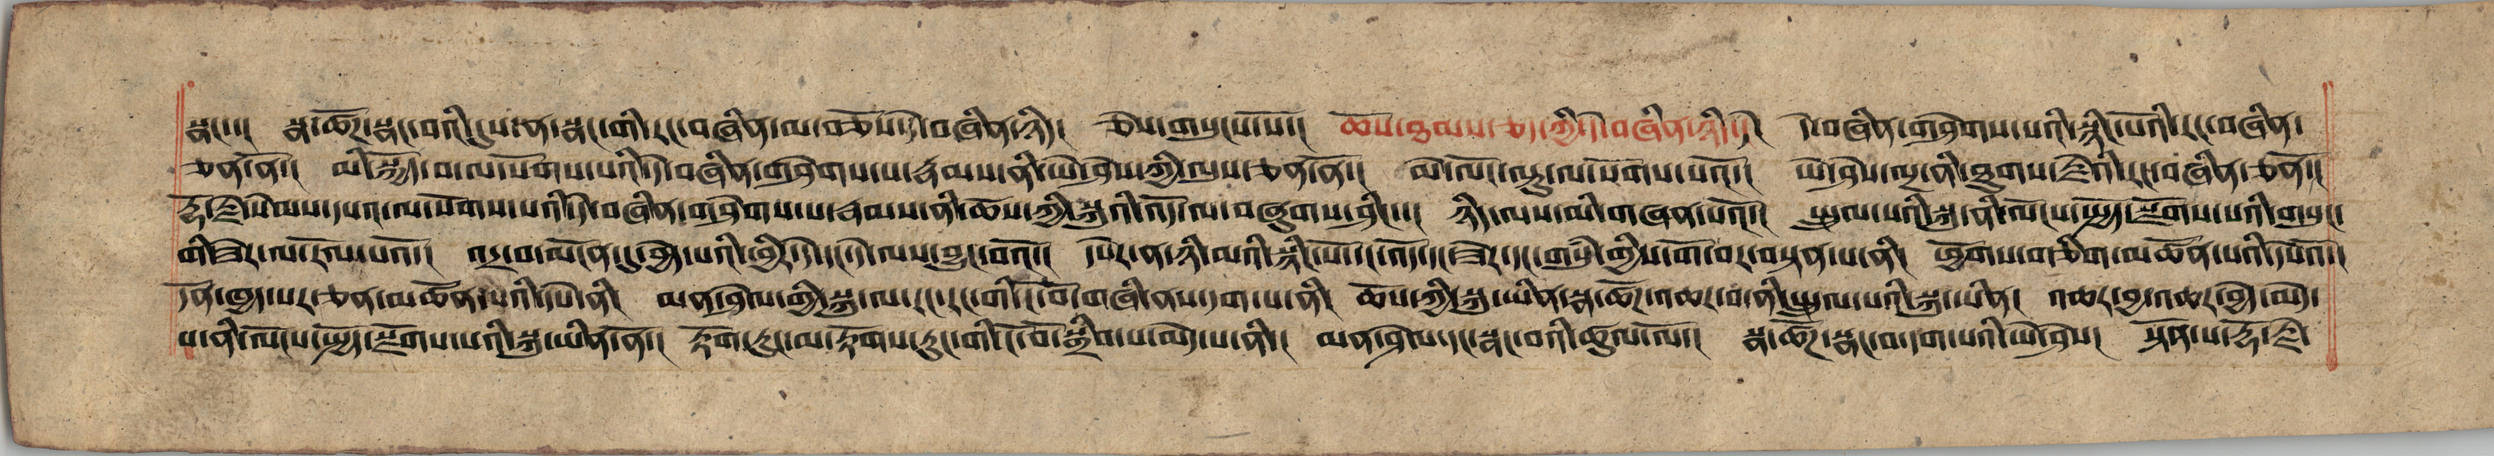སྣང་་། སྣ་ཚོཌ་སྣང་བའི་དུས་ན་སྣང་གི་རང་བཞིན་མ་བཅོས་དེ་བཞིན་ཉིད། ཅེས་གསུངས་སོ་། ཆོས་ཐམས་ཅད་ཀྱི་དེ་བཞིན་ཉིད་དེ། དེ་བཞིན་གཤེགས་པའི་སྙིང་པོའི་རང་བཞིན་
ཅན་ནོ་། མི་སྐྱོད་བ་ལ་སོགས་པའི་དེ་བཞིན་གཤེགས་པ་རྣམས་ནི་ཡེ་ཤེས་ཀྱི་ལུས་ཅན་ནོ་། མེ་ལོང་ལྟུ་ལ་སོགས་པའོ་། ཡེ་ཤེས་ལྔ་ནི་ཐུགས་རྗེའི་རང་བཞིན་ཅནོ་།
རྡོ་རྗེ་སེམས་དཔའ་ལ་སོགས་པའི་དེ་བཞིན་གཤེགས་པ་རྣམས་ནི་ཆོས་ཀྱི་སྐུའི་འོད་ལ་བཞུགས་ཤིང་་། ཉིད་ལས་མི་གཞན་པའོ་། སྤྲུལ་པའི་སྐུ་ནི་ལོངས་སྤྱོད་སྫོགས་པའི་གསུང་
གི་ཟེར་ལ་རོལ་པའོ་། འདྲ་བ་མངོན་དུ་བྱེད་པའི་ཕྱིར་དེ་དང་དེ་ལས་བྱུང་བའོ་། དཔེར་ན་ཉི་མའི་སྙིང་པོ་དང་འོད་དང་ཟེར་དང་གསུཾ་གྱིས་གོ་བར་བསྟན་པ་ནི། ཕྱོགས་གཅིག་མཚོན་པའི་དཔེའོ་།
དོན་ཁྱད་པར་ཅན་མཚོན་པའི་དཔེ་ནི། མན་ཤེལ་གྱི་སྐུ་ལ་རང་རང་གི་ངོ་བོ་གཞི་ནས་དག་པ་ནི། ཆོས་ཀྱི་སྐུ་ཡིན་སྣ་ཚོཌ་འཆར་བ་ནི་སྤྲུལ་པའི་སྐུ་ཡིན། འཆར་བྱ་འཆར་བྱེད་མེད་
སྔ་ནི་ལོངས་སྤྱོད་སྫོགས་པའི་སྐུ་ཡིན་ནོ་། རྟོག་རུང་མ་རྟོགས་རུང་གི་ངོ་བོ་སྒྲིབ་པ་མེད་པ་ནི་། མན་ཤེལ་དང་སྣང་བའི་ཚུལ་ལོ་། སྣ་ཚོཌ་སྣང་བ་དག་པའི་ཡེ་ཤེས། སྟོན་པ་རྡོ་རྗེ་